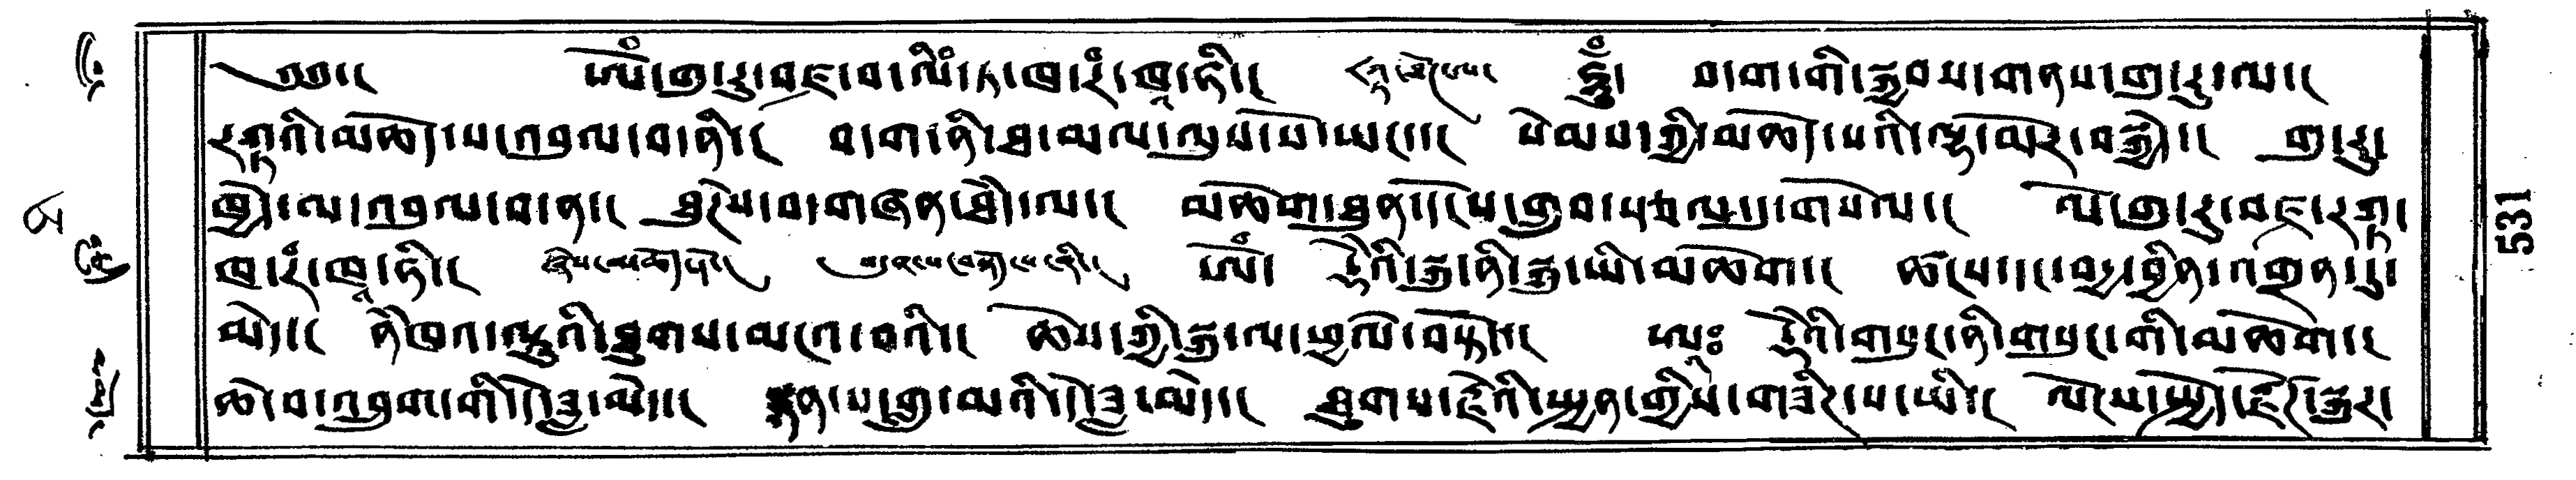ཨོཾ་གུ་རུ་བཛྲ་བ་ལིཾ་ཏ་ཁ་རཾ་ཁཱ་ཧི། རཀྟ་ཐོགས་ལ། ཧཱུྃ། །བདག་གི་སྐྱབས་གནས་གུ་རུ་ལ། །
རཀྟའི་མཆོད་པ་འབུལ་བ་ནི། །བདག་ནི་ཐ་མལ་ལུས་པོ་ཡང་། །སེམས་ཀྱི་མཆོད་པའི་ལྷ་མོར་བསྐྱེད། །གུ་རུ་
ཁྱོད་ལ་འབུལ་བ་ན། །ཐུགས་རྗེས་བདག་གཞན་ཐམས་ཅད་ལ། །མཆོག་ཐུན་དངོས་གྲུབ་སྩལ་དུ་གསོལ།ཨཽཾ་གུ་རུ་བཛྲ་རཀྟ་
ཁ་རཾ་ཁཱ་ཧི། ཞེས་མཆོད་དོ། བདུན་པ་བསྟོད་པ་ནི། ཨོཾ། རྡོ་རྗེའི་སྐུ་ནི་སྐུ་ཡི་མཆོག །ཚངས་དང་བརྒྱ་བྱིན་འགྲན་དུ་
མེད། །ནམ་མཁའ་ལྟ་བུའི་ཐུགས་མངའ་བའི། །ཆོས་ཀྱི་སྐུ་ལ་ཕྱག་འཚལ་བསྟོད། ཨཱཿ རྡོ་རྗེའི་གསུང་ནི་གསུང་གི་མཆོག །
ཆེ་བ་འབྲུག་གིས་དོ་ཟླ་མེད། །སྙན་པ་གླུ་མས་དོ་ཟླ་མེད། །ཐུགས་རྗེའི་སྤྱན་གྱིས་གཟིགས་པ་ཡི། །ལོངས་སྤྱོད་རྫོགས་སྐུར་